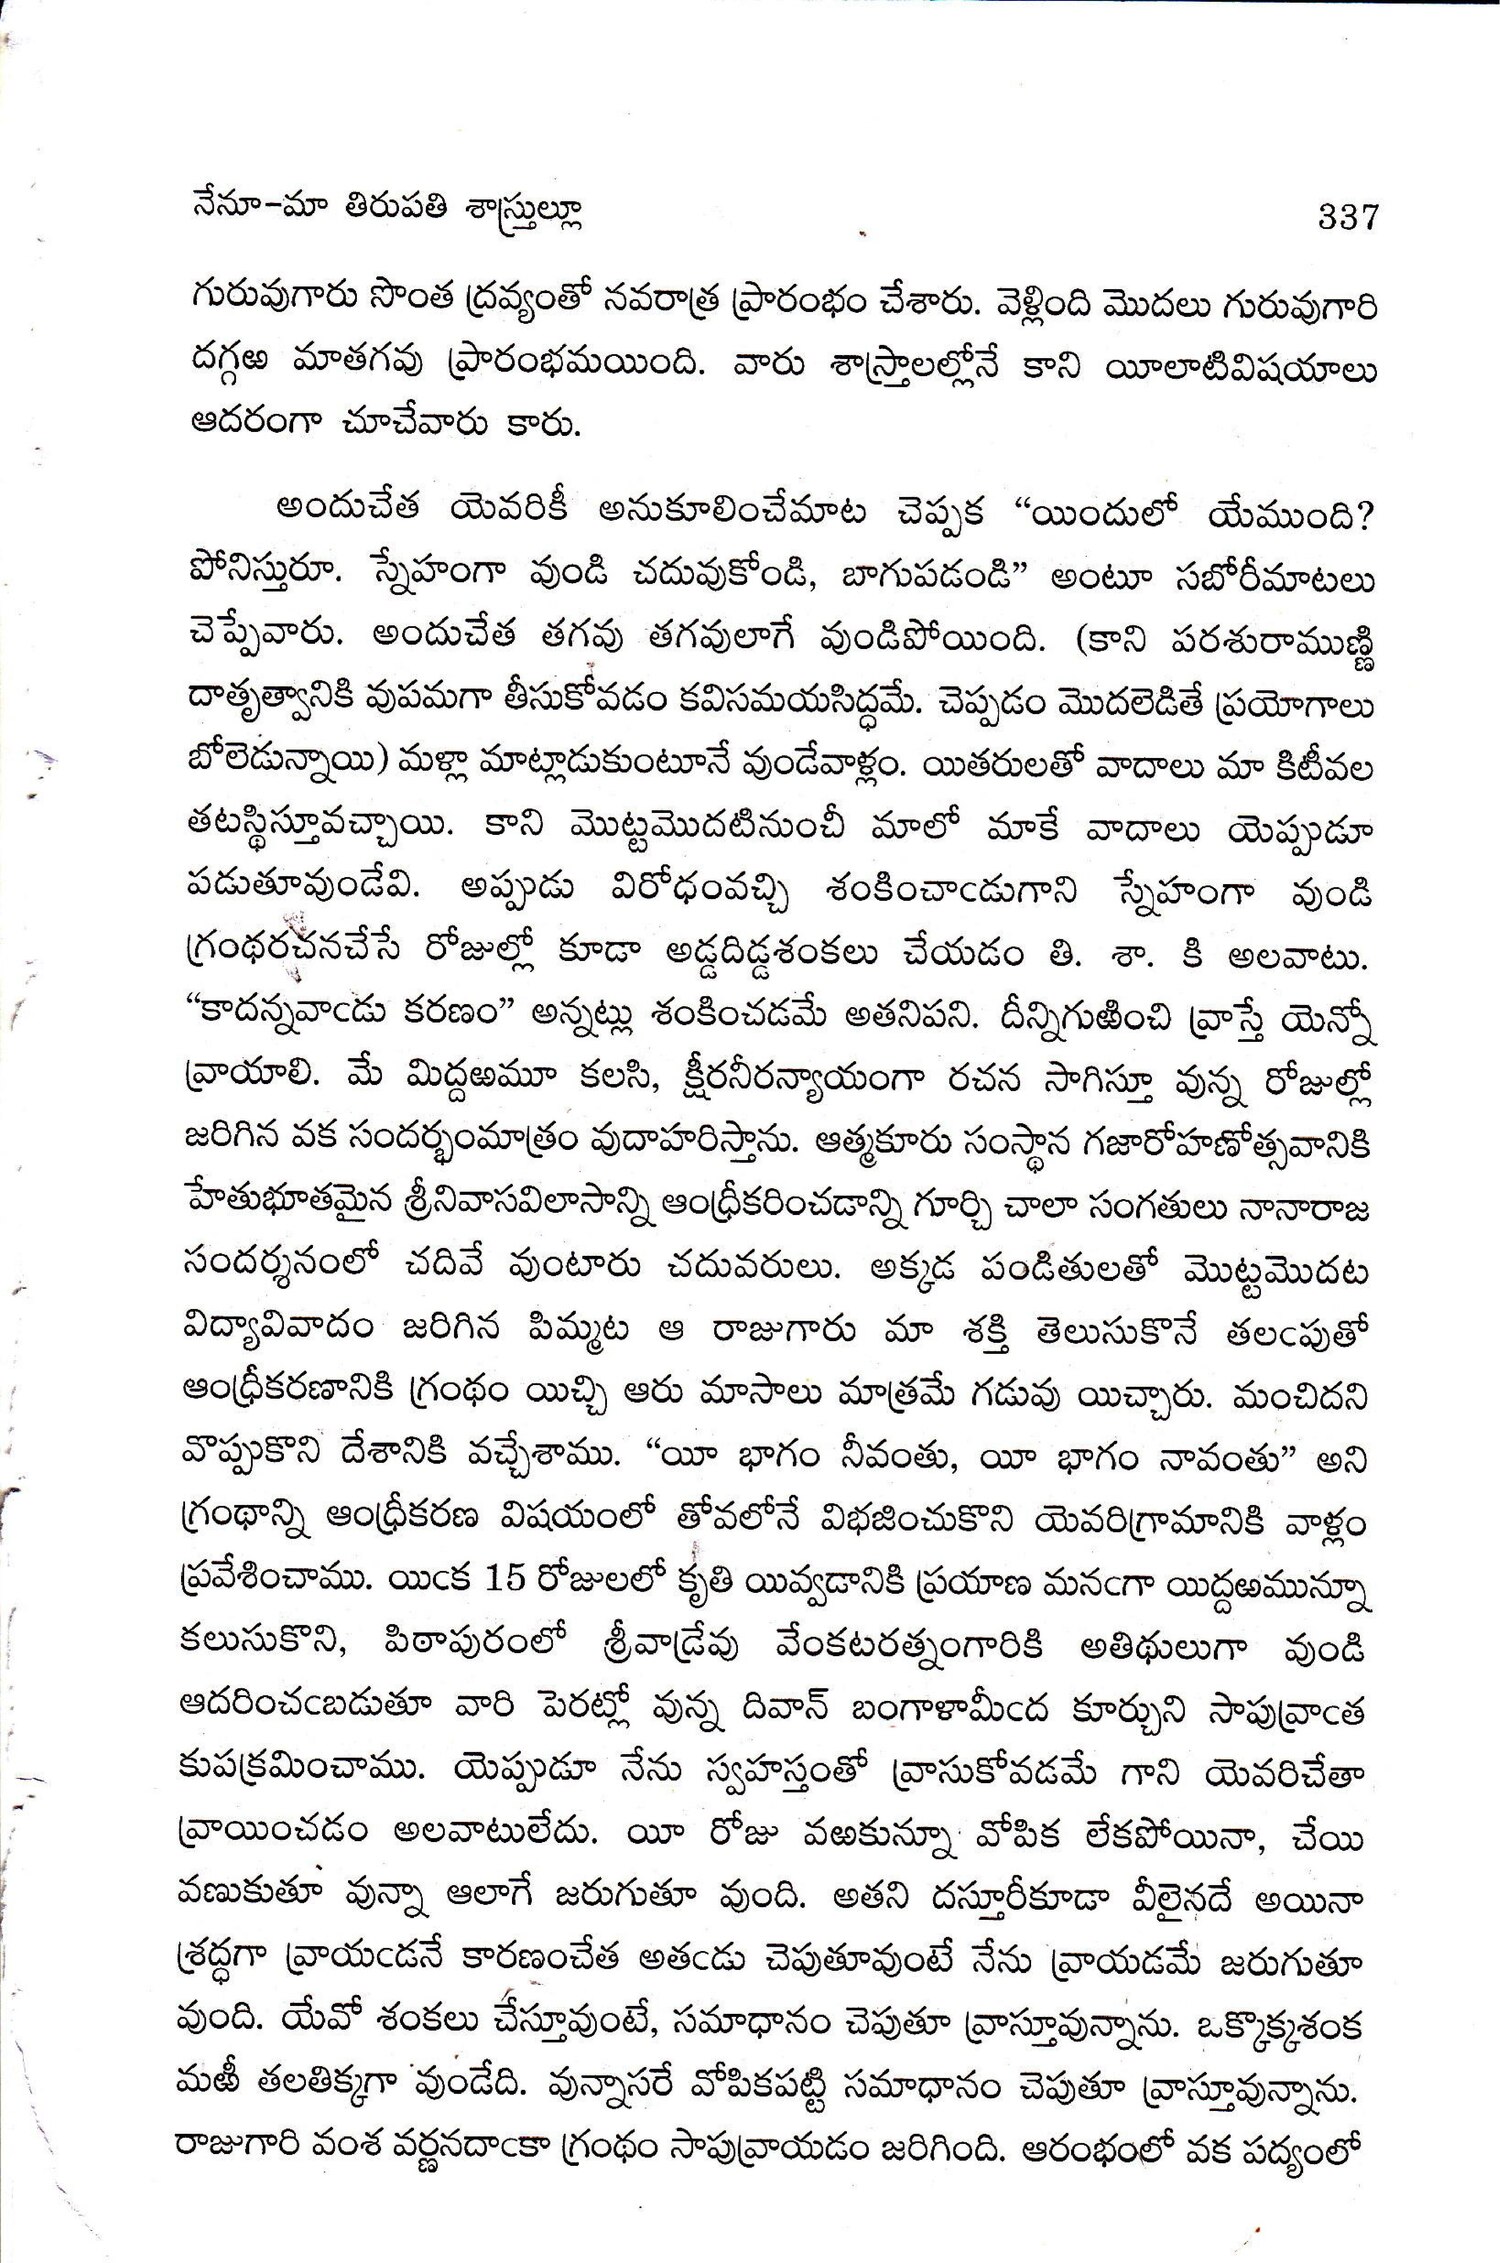గురువుగారు సొంత ద్రవ్యంతో నవరాత్ర ప్రారంభం చేశారు. వెళ్లింది మొదలు గురువుగారి దగ్గఱ మాతగవు ప్రారంభమయింది. వారు శాస్త్రాలల్లోనే కాని యీలాటివిషయాలు ఆదరంగా చూచేవారు కారు.

అందుచేత యెవరికీ అనుకూలించేమాట చెప్పక “యిందులో యేముంది? పోనిస్తురూ, స్నేహంగా వుండి చదువుకోండి, బాగుపడండి" అంటూ సబోరీమాటలు చెప్పేవారు. అందుచేత తగవు తగవులాగే వుండిపోయింది. (కాని పరశురాముణ్ణి దాతృత్వానికి వుపమగా తీసుకోవడం కవిసమయసిద్ధమే. చెప్పడం మొదలెడితే ప్రయోగాలు బోలెడున్నాయి) మళ్లా మాట్లాడుకుంటూనే వుండేవాళ్లం. యితరులతో వాదాలు మా కిటీవల తటస్థిస్తూవచ్చాయి. కాని మొట్టమొదటినుంచీ మాలో మాకే వాదాలు యెప్పుడూ పడుతూవుండేవి. అప్పుడు విరోధంవచ్చి శంకించాఁడుగాని స్నేహంగా వుండి గ్రంథరచనచేసే రోజుల్లో కూడా అడ్డదిడ్డశంకలు చేయడం తి. శా. కి అలవాటు. “కాదన్నవాఁడు కరణం" అన్నట్లు శంకించడమే అతనిపని. దీన్నిగుఱించి వ్రాస్తే యెన్నో వ్రాయాలి. మే మిద్దఱమూ కలసి, క్షీరనీరన్యాయంగా రచన సాగిస్తూ వున్న రోజుల్లో జరిగిన వక సందర్భంమాత్రం వుదాహరిస్తాను. ఆత్మకూరు సంస్థాన గజారోహణోత్సవానికి హేతుభూతమైన శ్రీనివాసవిలాసాన్ని ఆంద్రీకరించడాన్ని గూర్చి చాలా సంగతులు నానారాజ సందర్శనంలో చదివే వుంటారు చదువరులు. అక్కడ పండితులతో మొట్టమొదట విద్యావివాదం జరిగిన పిమ్మట ఆ రాజుగారు మా శక్తి తెలుసుకొనే తలఁపుతో ఆంద్రీకరణానికి గ్రంథం యిచ్చి ఆరు మాసాలు మాత్రమే గడువు యిచ్చారు. మంచిదని వొప్పుకొని దేశానికి వచ్చేశాము. “యీ భాగం నీవంతు, యీ భాగం నావంతు" అని గ్రంథాన్ని ఆంద్రీకరణ విషయంలో తోవలోనే విభజించుకొని యెవరి గ్రామానికి వాళ్లం ప్రవేశించాము. యిఁక 15 రోజులలో కృతి యివ్వడానికి ప్రయాణ మనఁగా యిద్దఱమున్నూ కలుసుకొని, పిఠాపురంలో శ్రీవాడ్రేవు వేంకటరత్నంగారికి అతిథులుగా వుండి ఆదరించఁబడుతూ వారి పెరట్లో వున్న దివాన్ బంగాళామీఁద కూర్చుని సాపువ్రాఁత కుపక్రమించాము. యెప్పుడూ నేను స్వహస్తంతో వ్రాసుకోవడమే గాని యెవరిచేతా వ్రాయించడం అలవాటులేదు. యీ రోజు వఱకున్నూ వోపిక లేకపోయినా, చేయి వణుకుతూ వున్నా ఆలాగే జరుగుతూ వుంది. అతని దస్తూరీకూడా వీలైనదే అయినా శ్రద్ధగా వ్రాయఁడనే కారణంచేత అతఁడు చెపుతూవుంటే నేను వ్రాయడమే జరుగుతూ వుంది. యేవో శంకలు చేస్తూవుంటే, సమాధానం చెపుతూ వ్రాస్తూవున్నాను. ఒక్కొక్కశంక మఱీ తలతిక్కగా వుండేది. వున్నాసరే వోపికపట్టి సమాధానం చెపుతూ వ్రాస్తూవున్నాను. రాజుగారి వంశ వర్ణనదాఁకా గ్రంథం సాపువ్రాయడం జరిగింది. ఆరంభంలో వక పద్యంలో